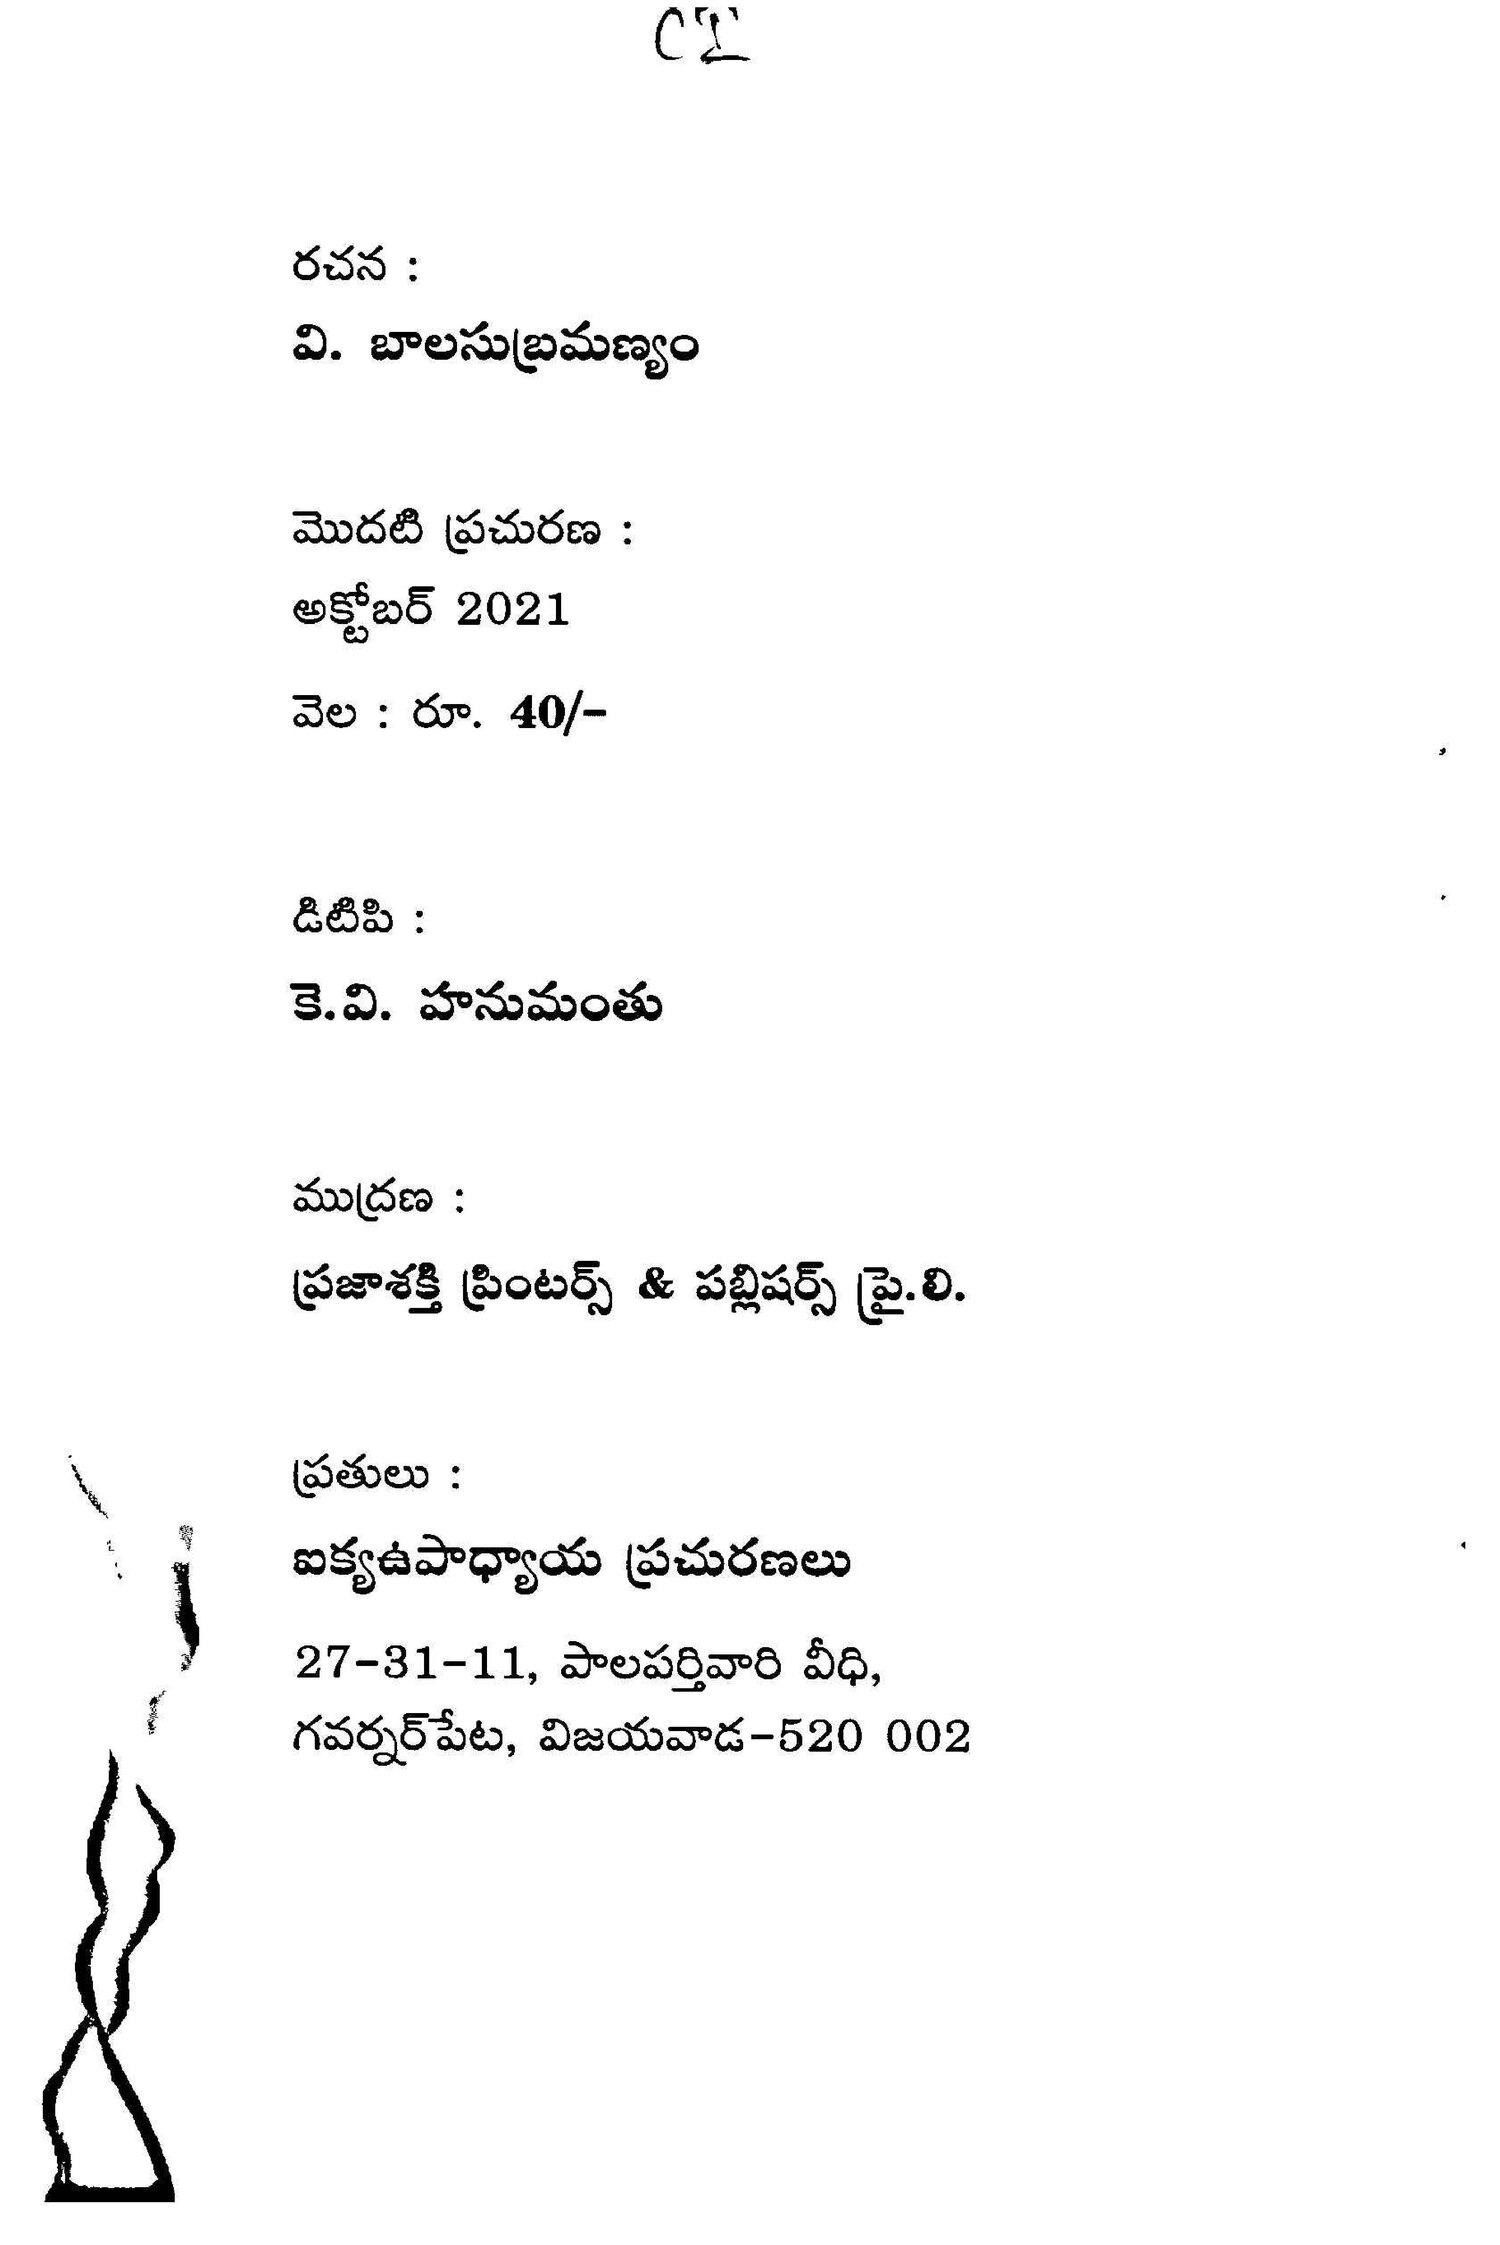రచన :
వి. బాలసుబ్రమణ్యం

మొదటి ప్రచురణ :
అక్టోబర్ 2021
వెల: రూ.40/-

డిటిపి :
కె.వి. హనుమంతు

ముద్రణ :
ప్రజాశక్తి ప్రింటర్స్ & పబ్లిషర్స్ ప్రై.లి.

ప్రతులు :
ఐక్యఉపాధ్యాయ ప్రచురణలు
27-31-11, పాలపర్తివారి వీధి,
గవర్నర్పేట, విజయవాడ-520 002